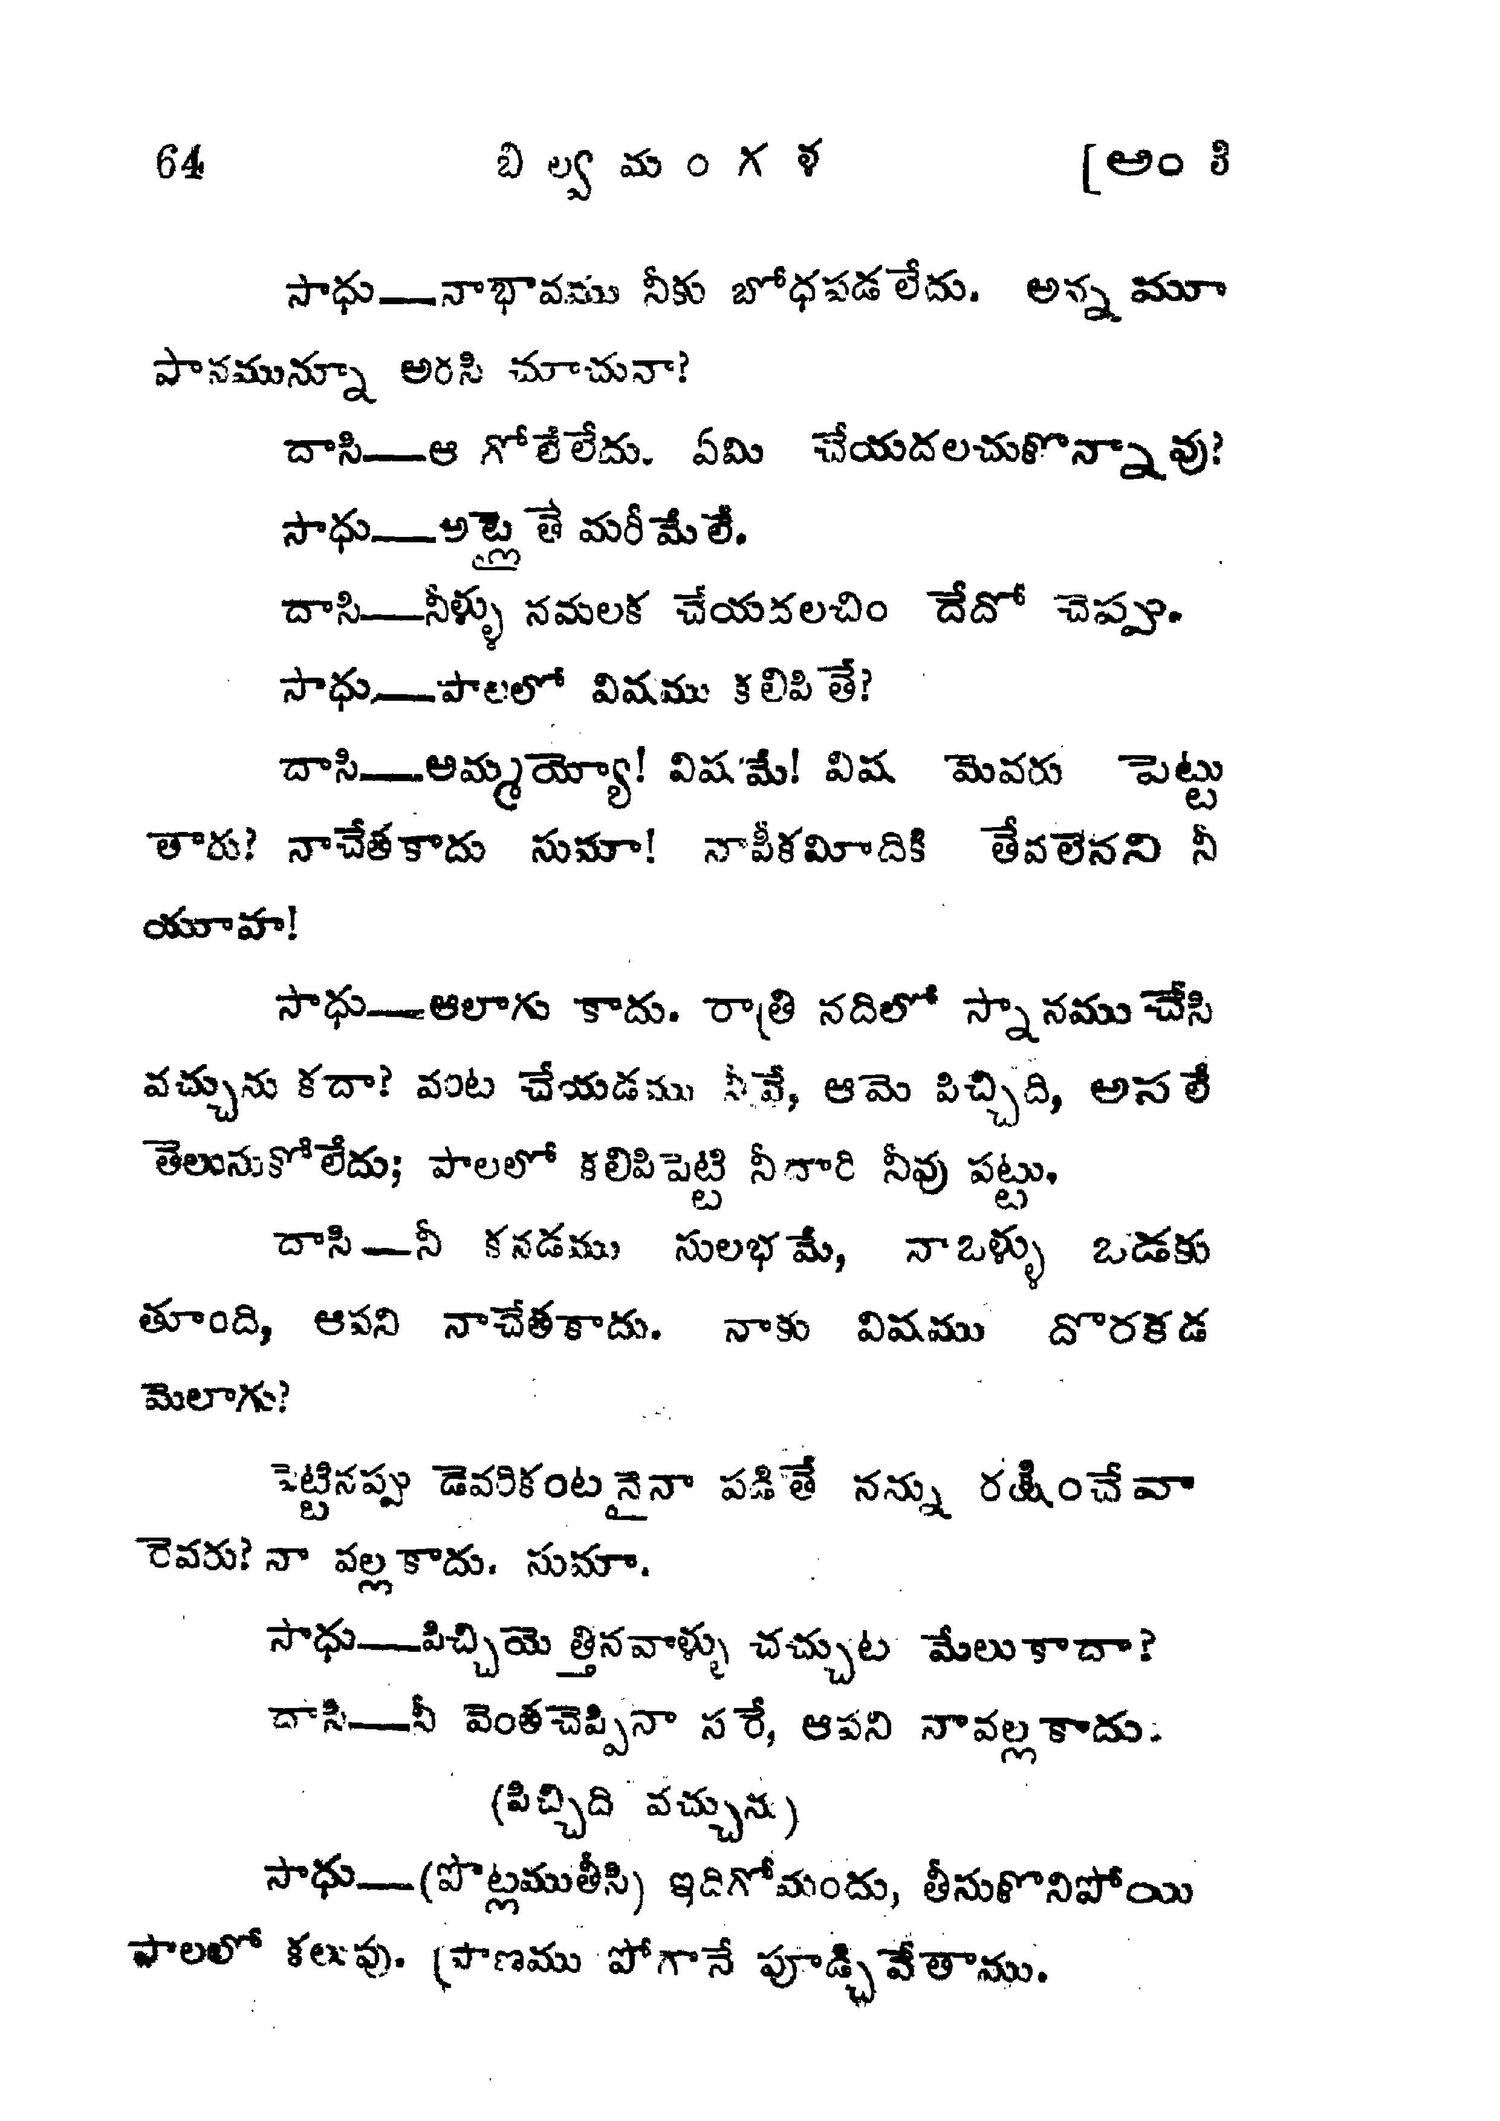సాధు - నాభావము నీకు బోధపడలేదు. అన్నమూ పానమున్నూ అరసి చూచునా?

దాసి - ఆ గోలేలేదు. ఏమి చేయదలచుకొన్నావు?

సాధు - అట్లైతే మరీమేలే.

దాసి - నీళ్ళు నమలక చేయదలచిం దేదో చెప్పు.

సాధు - పాలలో విషము కలిపితే?

దాసి - అమ్మయ్యో! విషమే! విష మెవరు పెట్టుతారు? నాచేతకాదు సుమా! నాపీకమీదికి తేవలెనని నీ యూహ!

సాధ్ - ఆలాగు కాదు. రాత్రి నదిలో స్నానముచేసి వచ్చును కదా? వంట చేయడము నీవే, ఆమె పిచ్చిది, అసలే తెలుసుకోలేదు; పాలలో కలిపిపెట్టి నీదారి నీవు పట్టు.

దాసి - నీ కనడము సులభమే, నాఒళ్ళు ఒడకుతూంది, ఆపని నాచేతకాదు. నాకు విషము దొరకడ మెలాగు?

పెట్టినప్పు డెవరికంటనైనా పడితే నన్ను రక్షించేవారెవరు? నా వల్లకాదు. సుమా.

సాధు - పిచ్చియెత్తినవాళ్ళు చచ్చుట మేలుకాదా?

దాసి - నీ వెంతచెప్పినా సరే, ఆపని నావల్ల కాదు.

సాధు - (పొట్లముతీసి) ఇదిగోమందు, తీసుకొనిపోయి పాలలో కలుపు. ప్రాణము పోగానే పూడ్చివేతాము.